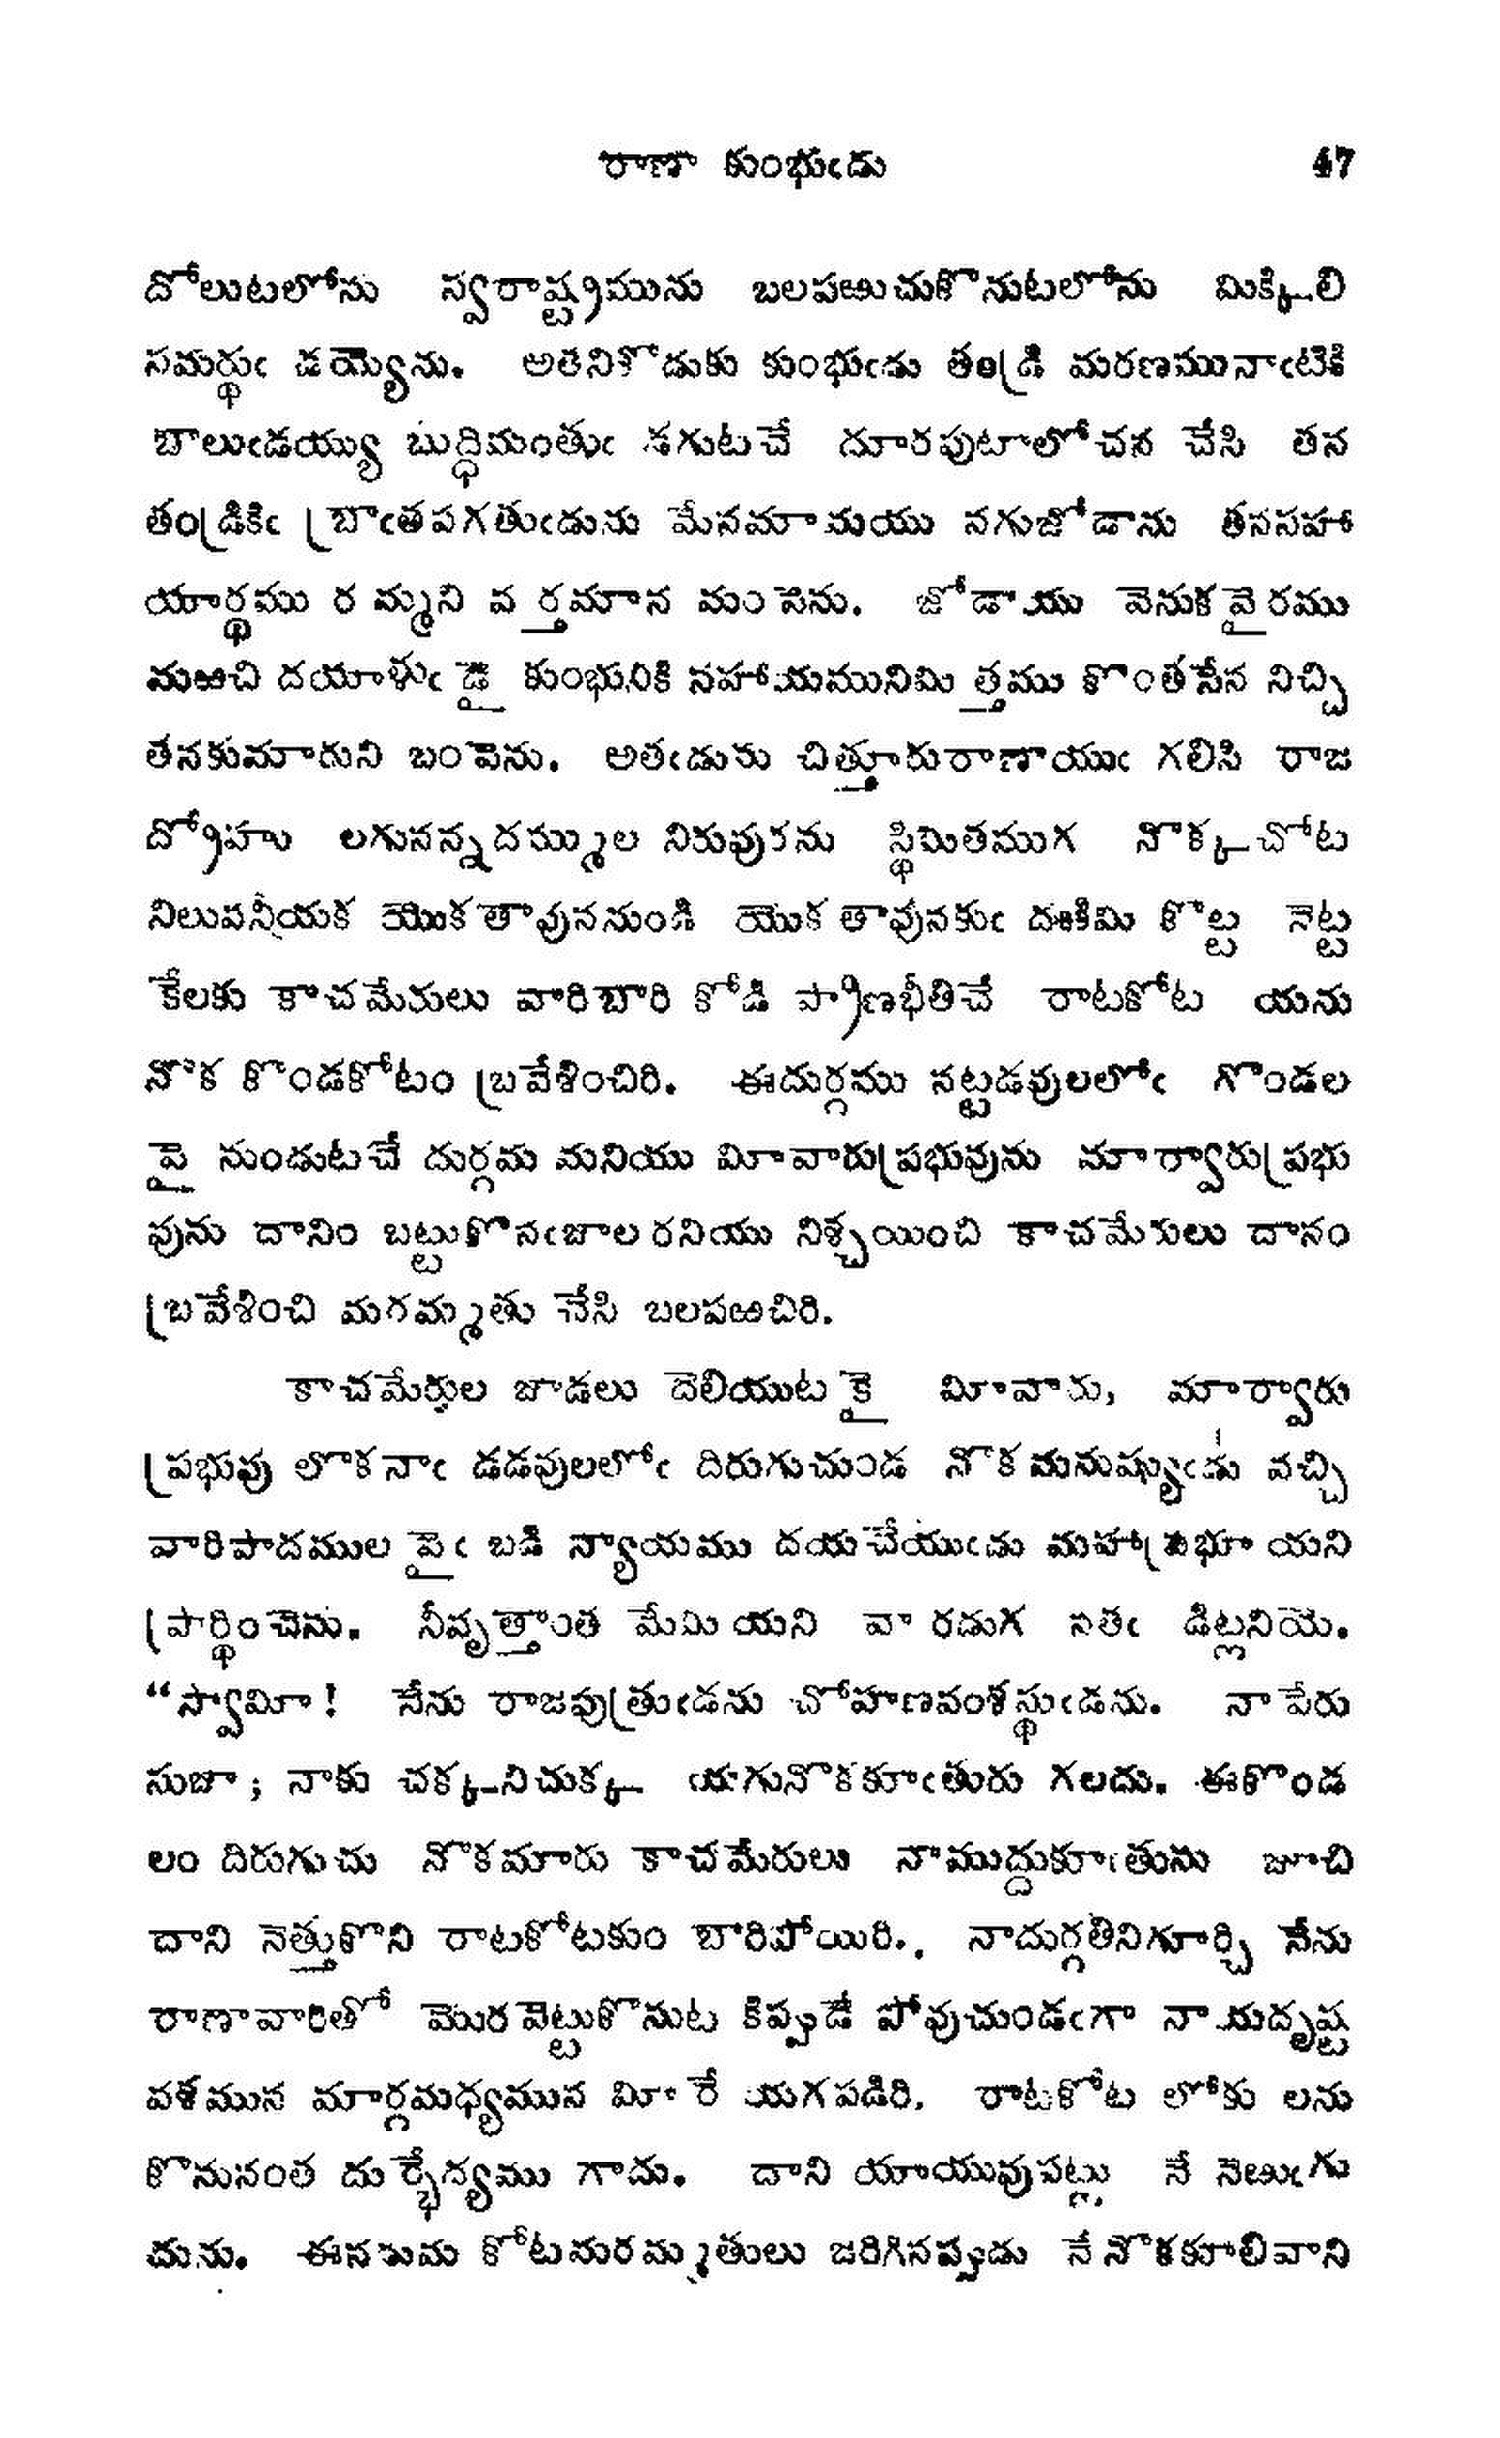దోలుటలోను స్వరాష్ట్రమును బలపఱుచుకొనుటలోను మిక్కిలి సమర్థుఁ డయ్యెను. అతనికోడుకు కుంభుఁడు తండ్రి మరణమునాఁటికి
బాలుఁడయ్యు బుద్ధిమంతుఁ డగుటచే దూరపుటాలోచన చేసి తన తండ్రికిఁ బ్రాఁత పగతుఁడును 'మేనమామయు నగుజోడాను తనసహా
యార్థము రమ్మని వర్తమాన మంపెను. జోడాయు వెనుక వైరము మఱచి దయాళుఁ డై కుంభునికి సహాయము నిమిత్తము కొంతసేన నిచ్చి
తనకుమారుని బంపెను. అతఁడును చిత్తూరురాణాయుఁ గలిసి రాజద్రోహు లగునన్నదమ్ముల నిరువురను స్థిమితముగ నొక్కచోట
నిలుపనీయక యొక తావుననుండి యొక తావునకుఁ దఱిమి కొట్ట నెట్టకేలకు కాచమేరులు వారి బారి కోడి ప్రాణభీతిచే రాటకోట యను
నొక కొండకోటం బ్రవేశించిరి. ఈదుర్గము నట్టడవులలోఁ గొండల పై నుండుటచే దుర్గమ మనియు మీవారు ప్రభువును నూర్వారు ప్రభు
వును దానిం బట్టుకొనఁజాల రనియు నిశ్చయించి కాచమేరులు దానం బ్రవేశించి మరమ్మతు చేసి బలపఱచిరి.

కాచమేరుల జాడలు దెలియుటకై మీవారు, మార్వారు ప్రభువు లొక నాఁ డడవులలోఁ దిరుగుచుండ నొక మనుష్యుఁడు వచ్చి వారి పాదముల
పైఁ బడి న్యాయము దయచేయుఁడు మహా ప్రభూ యని ప్రార్థించెను. నీవృత్తాంత మేమి యని వారడుగ నతఁ డిట్లనియె. “స్వామీ ! నేను రాజపుత్రుఁడను చోహణవంశస్థుఁడను. నా పేరు సుజా; నాకు చక్కని చుక్క యగునొక కూఁతురు గలదు. ఈ కొండలం దిరుగుచు నొకమారు కాచమేరులు నాముద్దుకూఁతును జూచి దాని నెత్తుకొని రాటకోటకుం బారిపోయిరి. నాదుర్గతిని గూర్చి నేను రాణా వారితో మొర పెట్టుకొనుట కిప్పుడే పోవుచుండఁగా నా యదృష్ట వశమున మార్గమధ్యమున మీరే యగ పడిరి, రాటకోట లోకు లను కొనునంత దుర్భేద్యము గాదు. దాని యాయువుపట్టు నే నెఱుఁగుదును. ఈనడుమ కోట మరమ్మతులు జరిగినప్పుడు నేనొకకూలివాని